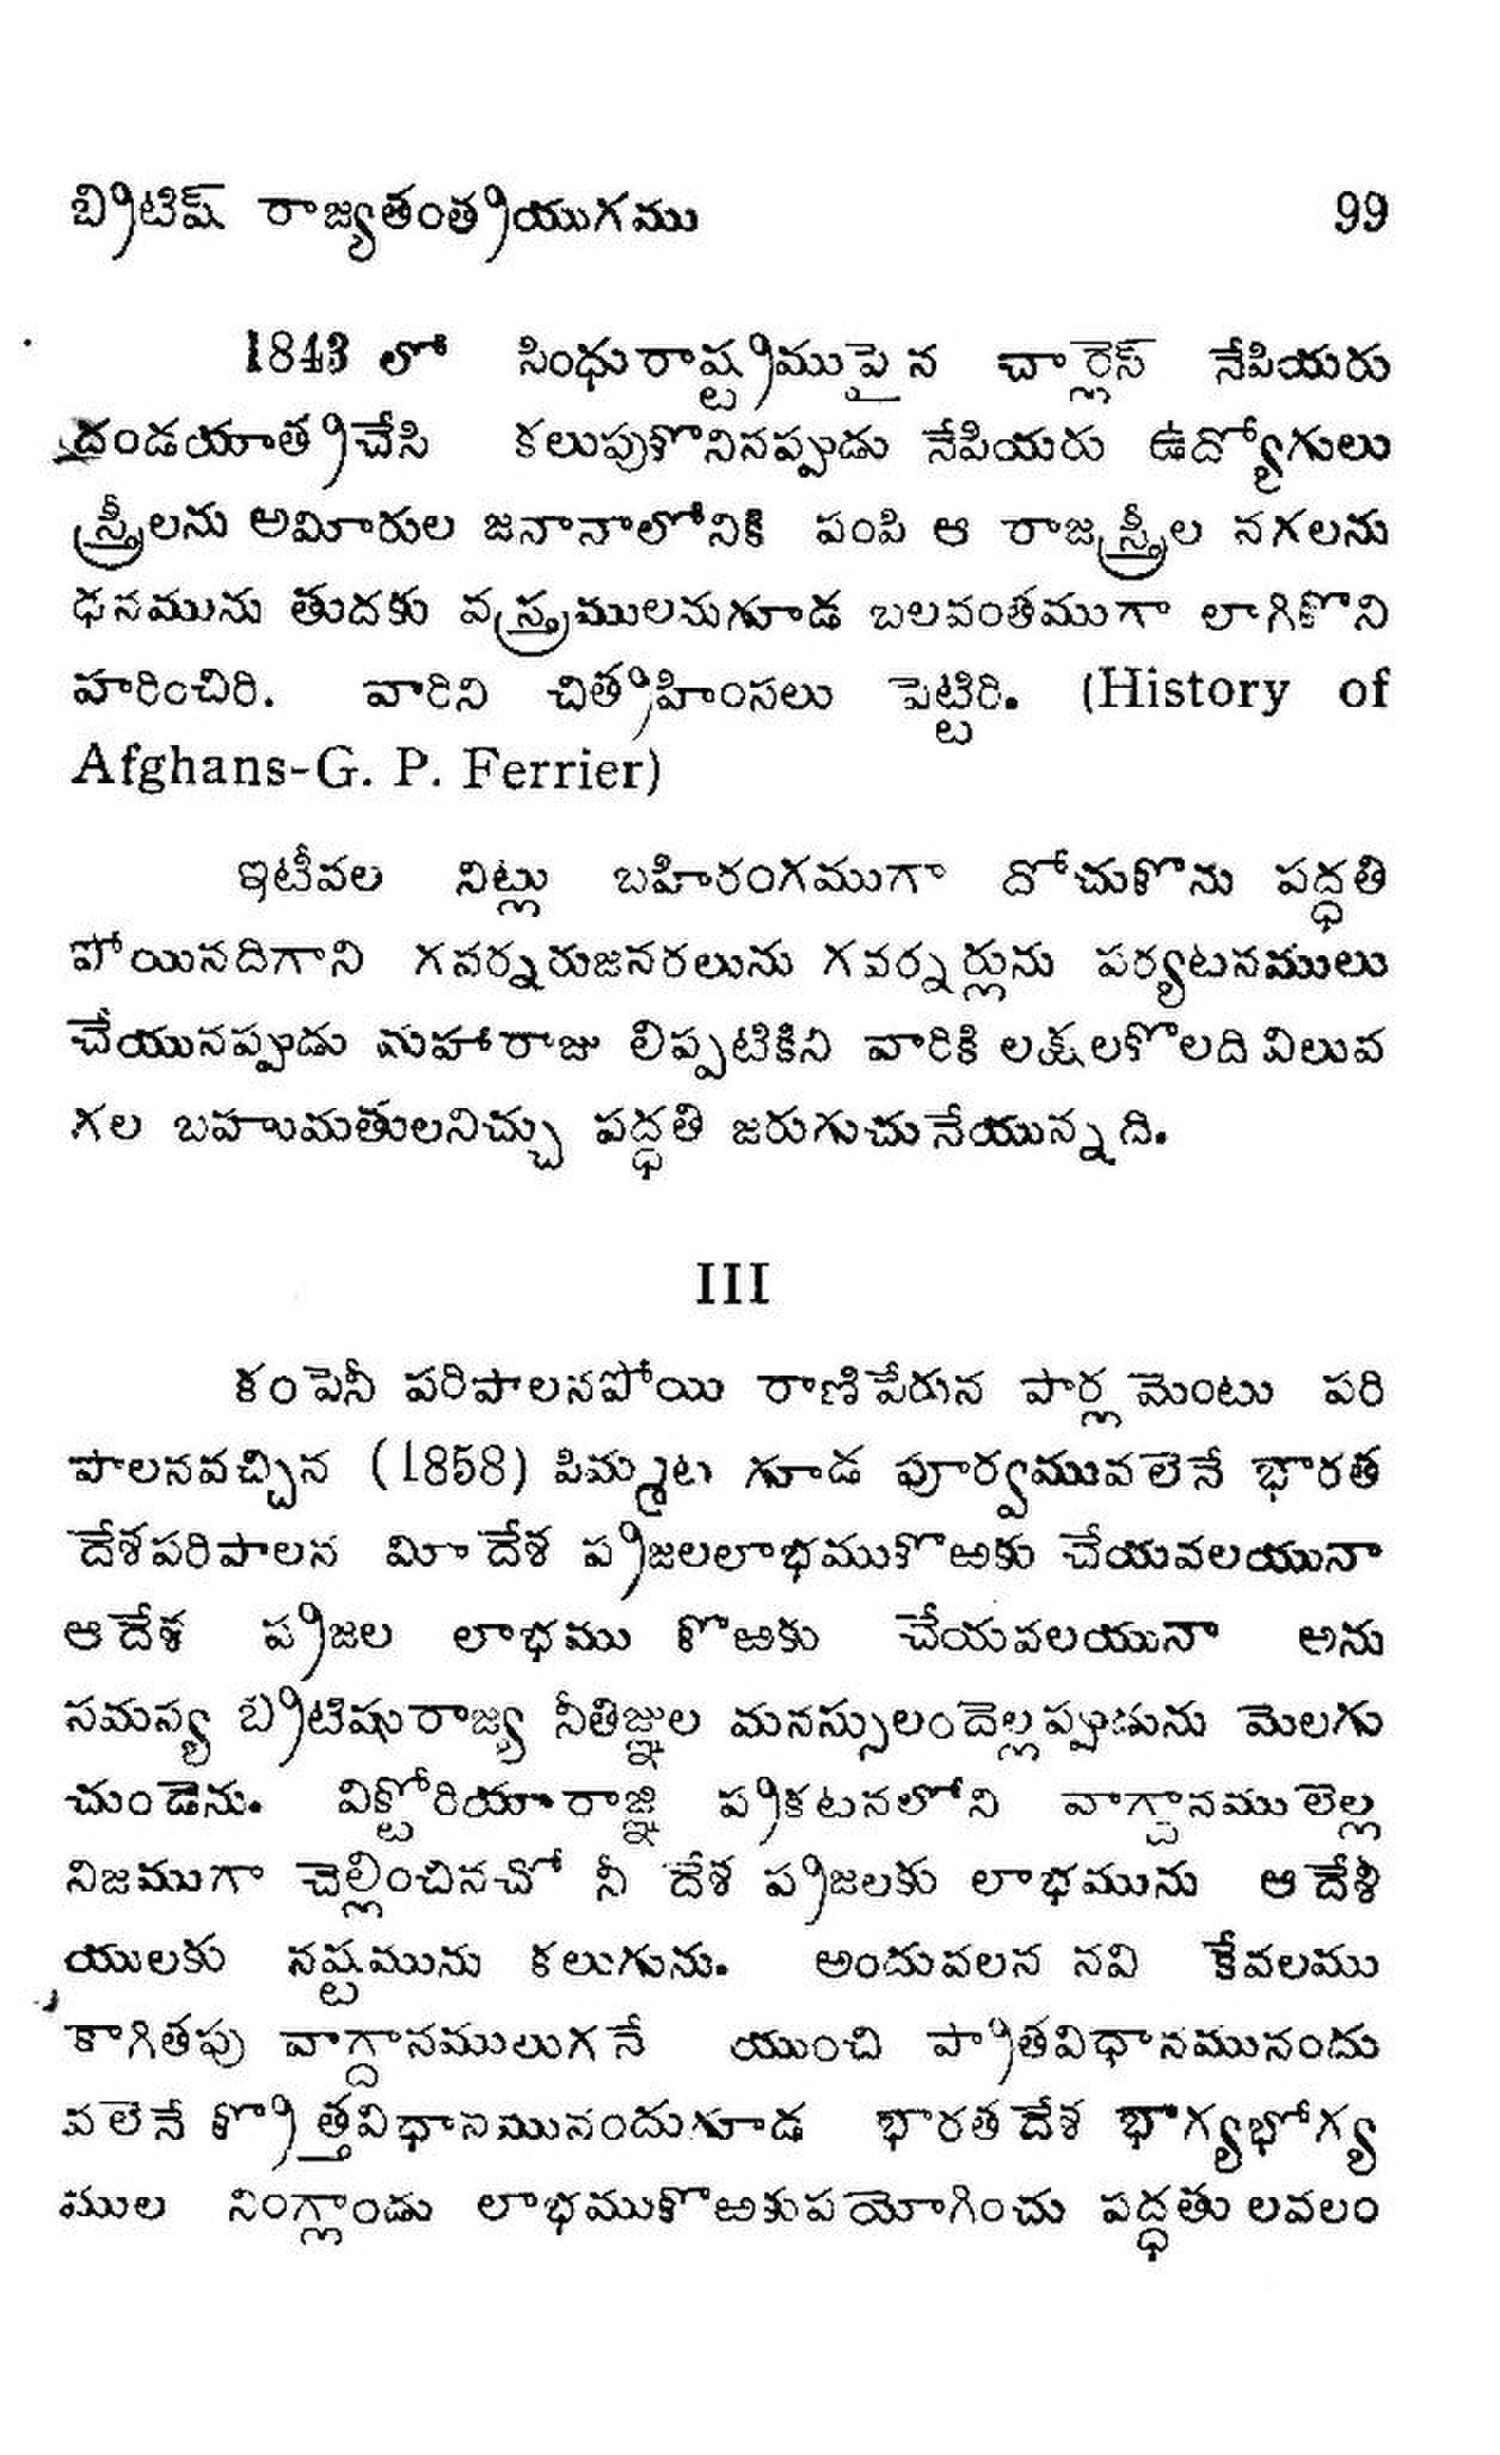1843 లో సింధురాష్ట్రముపైన చార్లెస్ నేపియరు దండయాత్రచేసి కలుపుకొనినప్పుడు నేపియరు ఉద్యోగులు
స్త్రీలను అమీరుల జనానాలోనికి పంపి ఆ రాజస్త్రీల నగలను ధనమును తుదకు వస్త్రములనుగూడ బలవంతముగా లాగికొని హరించిరి. వారిని చిత్రహింసలు పెట్టిరి. (History of Afghans-G. P. Ferrier)

ఇటీవల నిట్లు బహిరంగముగా దోచుకొను పద్దతి పోయినదిగాని గవర్నరుజనరలును గవర్నర్లును పర్యటనములు చేయునప్పుడు మహారాజు లిప్పటికిని వారికి లక్షలకొలది విలువగల బహుమతులనిచ్చు పద్దతి జరుగుచునేయున్నది.

III

కంపెనీ పరిపాలనపోయి రాణిపేరున పార్లమెంటు పరిపాలనవచ్చిన (1858) పిమ్మట గూడ పూర్వమువలెనే భారత దేశపరిపాలన మీదేశ ప్రజలలాభముకొఱకు చేయవలయునా ఆదేశ ప్రజల లాభము కొఱకు చేయవలయునా అను సమస్య బ్రిటిషురాజ్య నీతిజ్ఞుల మనస్సులందెల్లప్పుడును మెలగుచుండెను. విక్టోరియారాజ్ఞి ప్రకటనలోని వాగ్దానము లెల్ల నిజముగా చెల్లించినచో నీ దేశ ప్రజలకు లాభమును ఆదేశీయులకు నష్టమును కలుగును. అందువలన నవి కేవలము కాగితపు వాగ్దానములుగనే యుంచి ప్రాతవిధానమునందు వలెనే క్రొత్తవిధానమునందుగూడ భారతదేశ భాగ్యభోగ్యముల నింగ్లాండు లాభముకొఱకుపయోగించు పద్ధతు లవలం